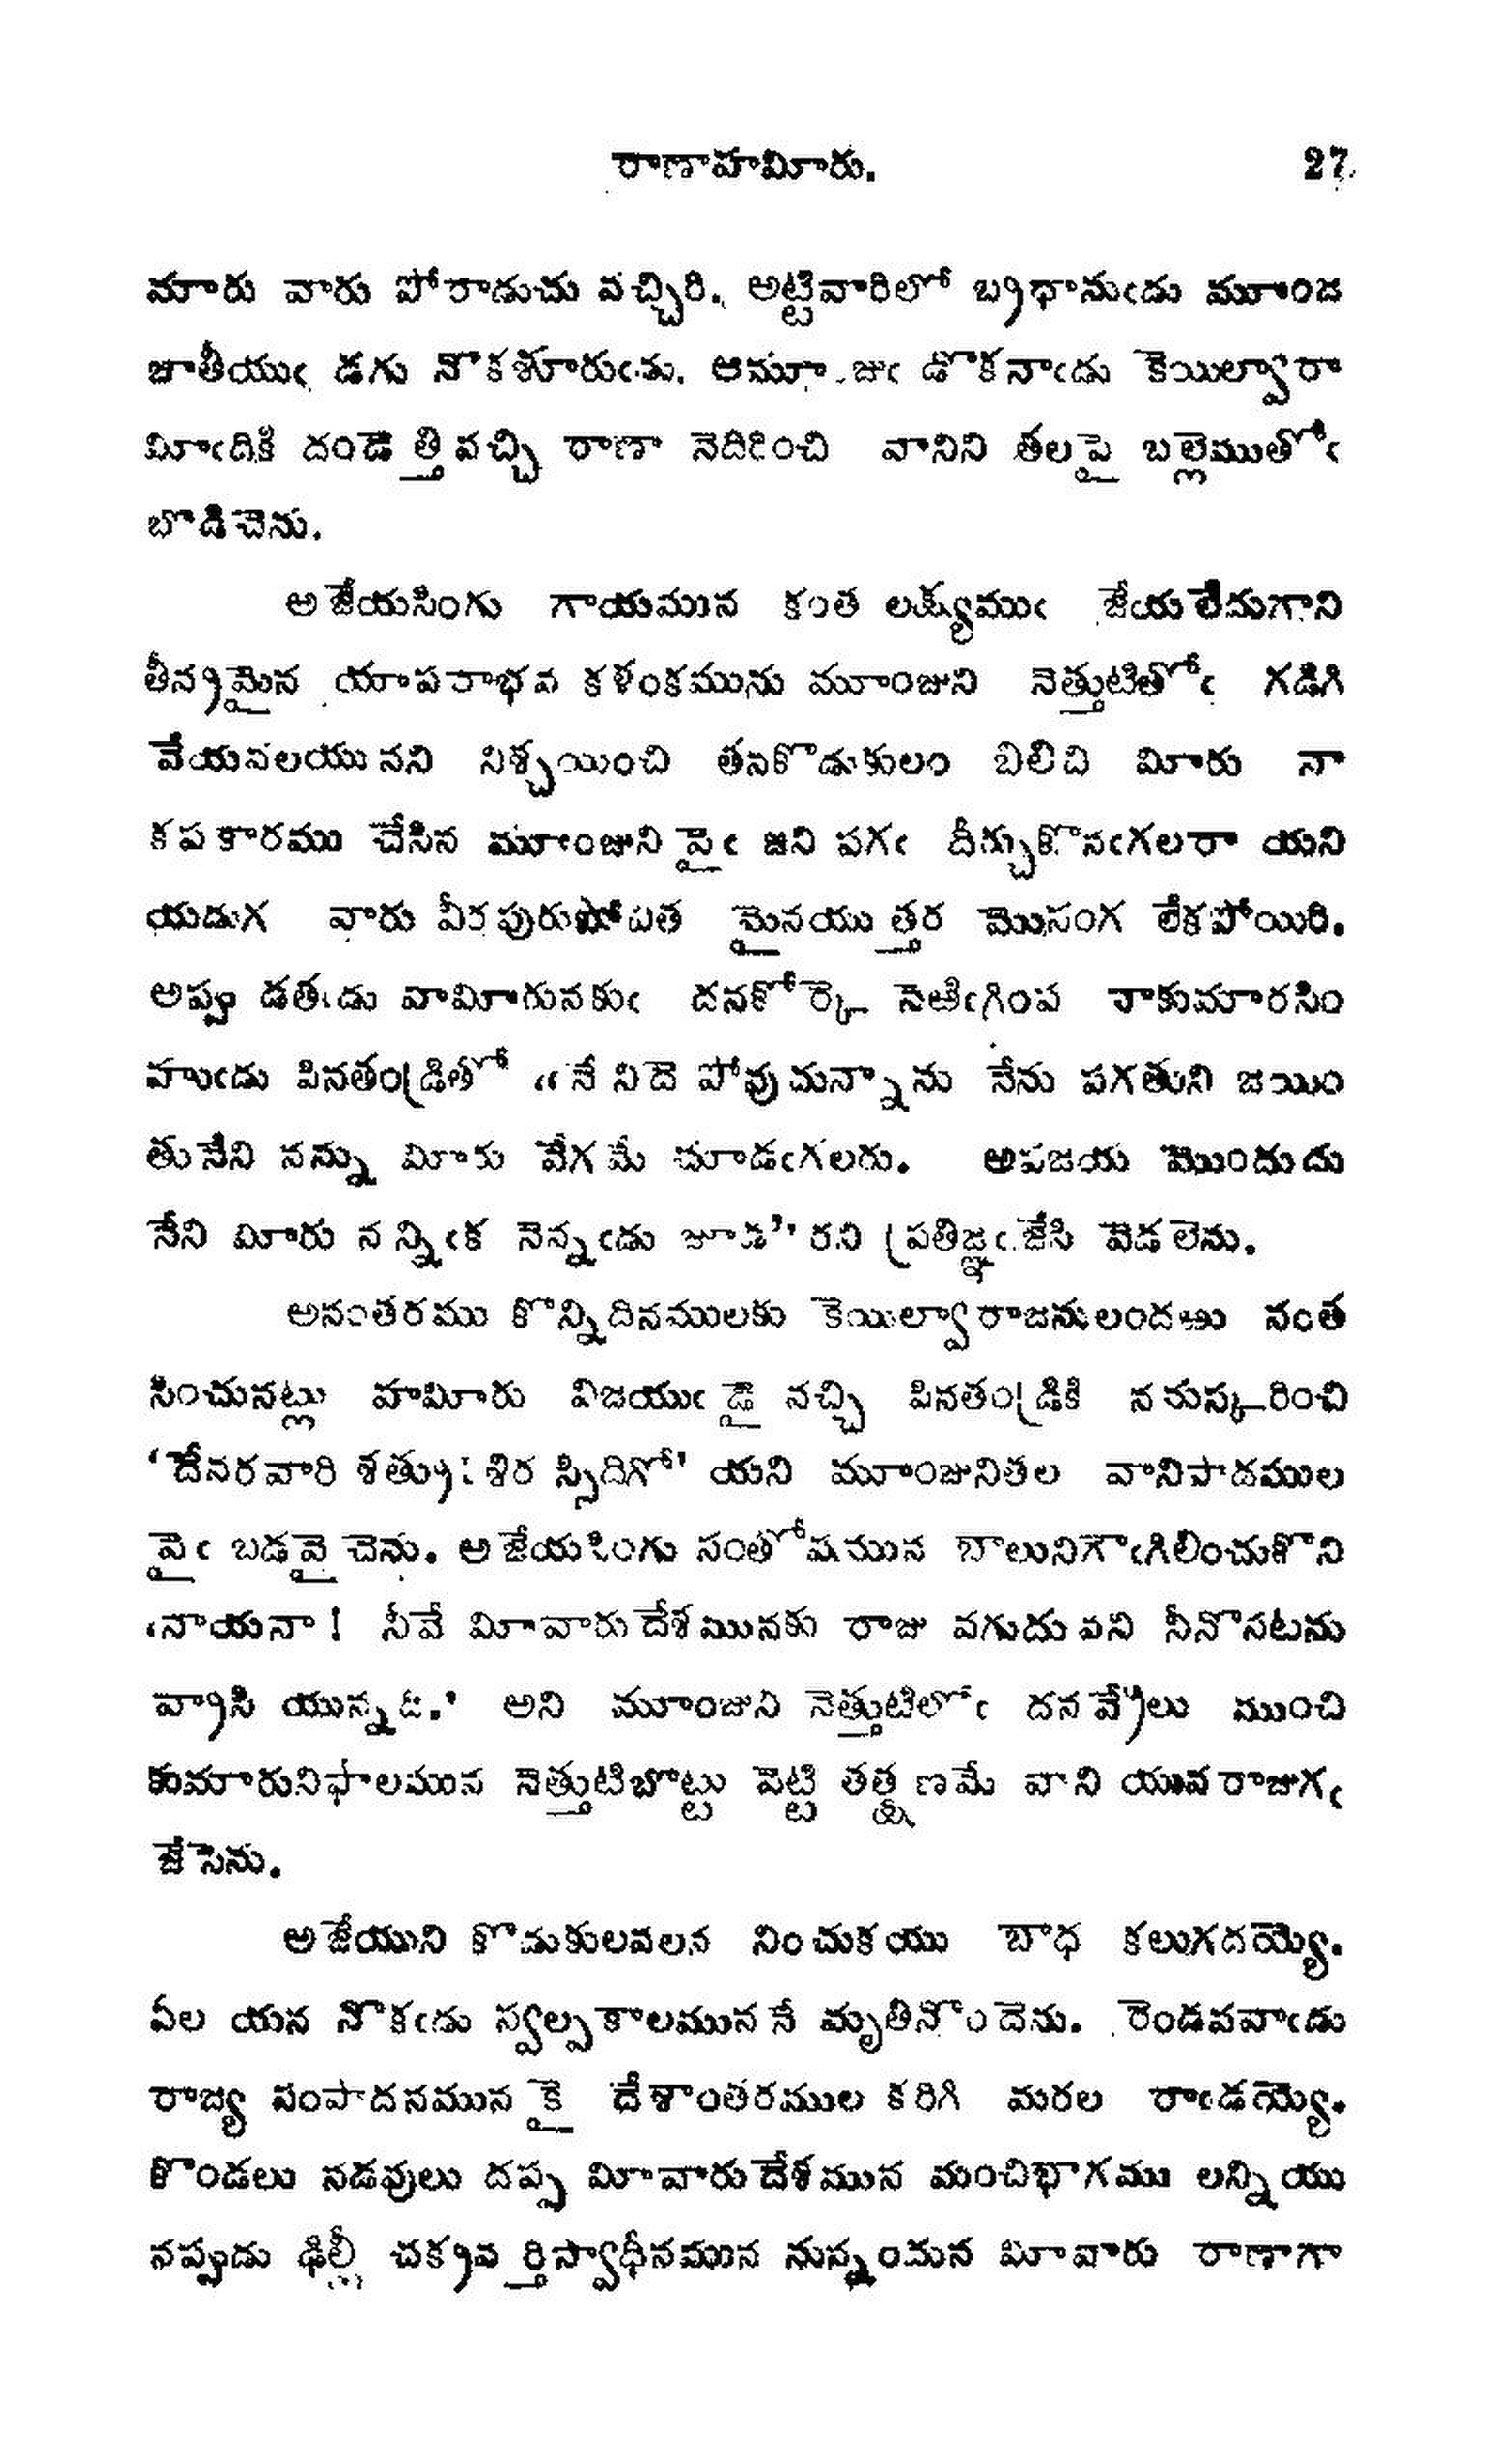మారు వారు పోరాడుచు వచ్చిరి. అట్టివారిలో బ్రధానుండు మూంజ జాతీయుఁ డగు నొకశూరుఁడు, ఆమూంజుఁ డొకనాఁడు కెయిల్వారా మీఁదికి దండెత్తి వచ్చి రాణా నెదిరించి వానిని తలపై బల్లెముతో బొడిచెను.

అజేయసింగు గాయమున కంత లక్ష్యముఁ జేయలేదుగాని తీవ్రమైన యాపరాభవ కళంకమును మూంజుని నెత్తుటితోఁ గడిగి వేయవలయునని నిశ్చయించి తనకొడుకులం బిలిచి మీరు నా కపకారము చేసిన మూంజునిపైఁ జని పగఁ దీర్చుకొనఁగలరా యని యడుగ వారు వీర పురుషోతచిత మైనయుత్తర మొసంగ లేకపోయిరి. అప్పుడతడు హమీరునకుఁ దనకోర్కె నెఱిఁగింప నాకుమారసింహుఁడు పినతండ్రితో « నే నిదె పోవుచున్నాను నేను పగతుని జయింతునేని నన్ను మీకు వేగమే చూడఁగలగు.అపజయ మెందుదు నేని వారు నన్నిక నెన్నఁడు జూడ" రని ప్రతిజ్ఞఁ జేసి 'వెడలెను.

అనంతరము కొన్ని దినములకు కెయిల్వా రాజనులందఱు సంతసించునట్లు హమీరు విజయుఁ డై వచ్చి పినతండ్రికి నమస్కరించి “దేవర వారి శత్రునిశిర స్సిదిగో' యని మూంజునితల వానిపాదముల
పైఁ బడవైచెను. అజేయసింగు సంతోషమున బాలునిగౌఁగిలించుకొని “నాయనా! నీవే మీవారు దేశమునకు రాజు వగుదువని నీ నొసటను వ్రాసి యున్నది.' అని మూంజుని నెత్తుటిలోఁ దన వ్రేలు ముంచి కుమారుని ఫాలమున నెత్తుటి బొట్టు పెట్టి తక్షణమే వాని యువ రాజుగఁ జేసెను.

అజేయుని కొడుకులవలన నించుకయు బాధ కలుగదయ్యె. ఏల యన నొకఁడు స్వల్ప కాలముననే మృతినొందెను. రెండవవాఁడు రాజ్య సంపాదనమునకై దేశాంతరముల కరిగి మరల రాఁడయ్యె. కొండలు నడవులు దప్ప మీవారు దేశమున మంచిభాగము లన్నియు నప్పుడు ఢిల్లీ చక్రవర్తిస్వాధీనమున నున్నందున మీవారు రాణాగా